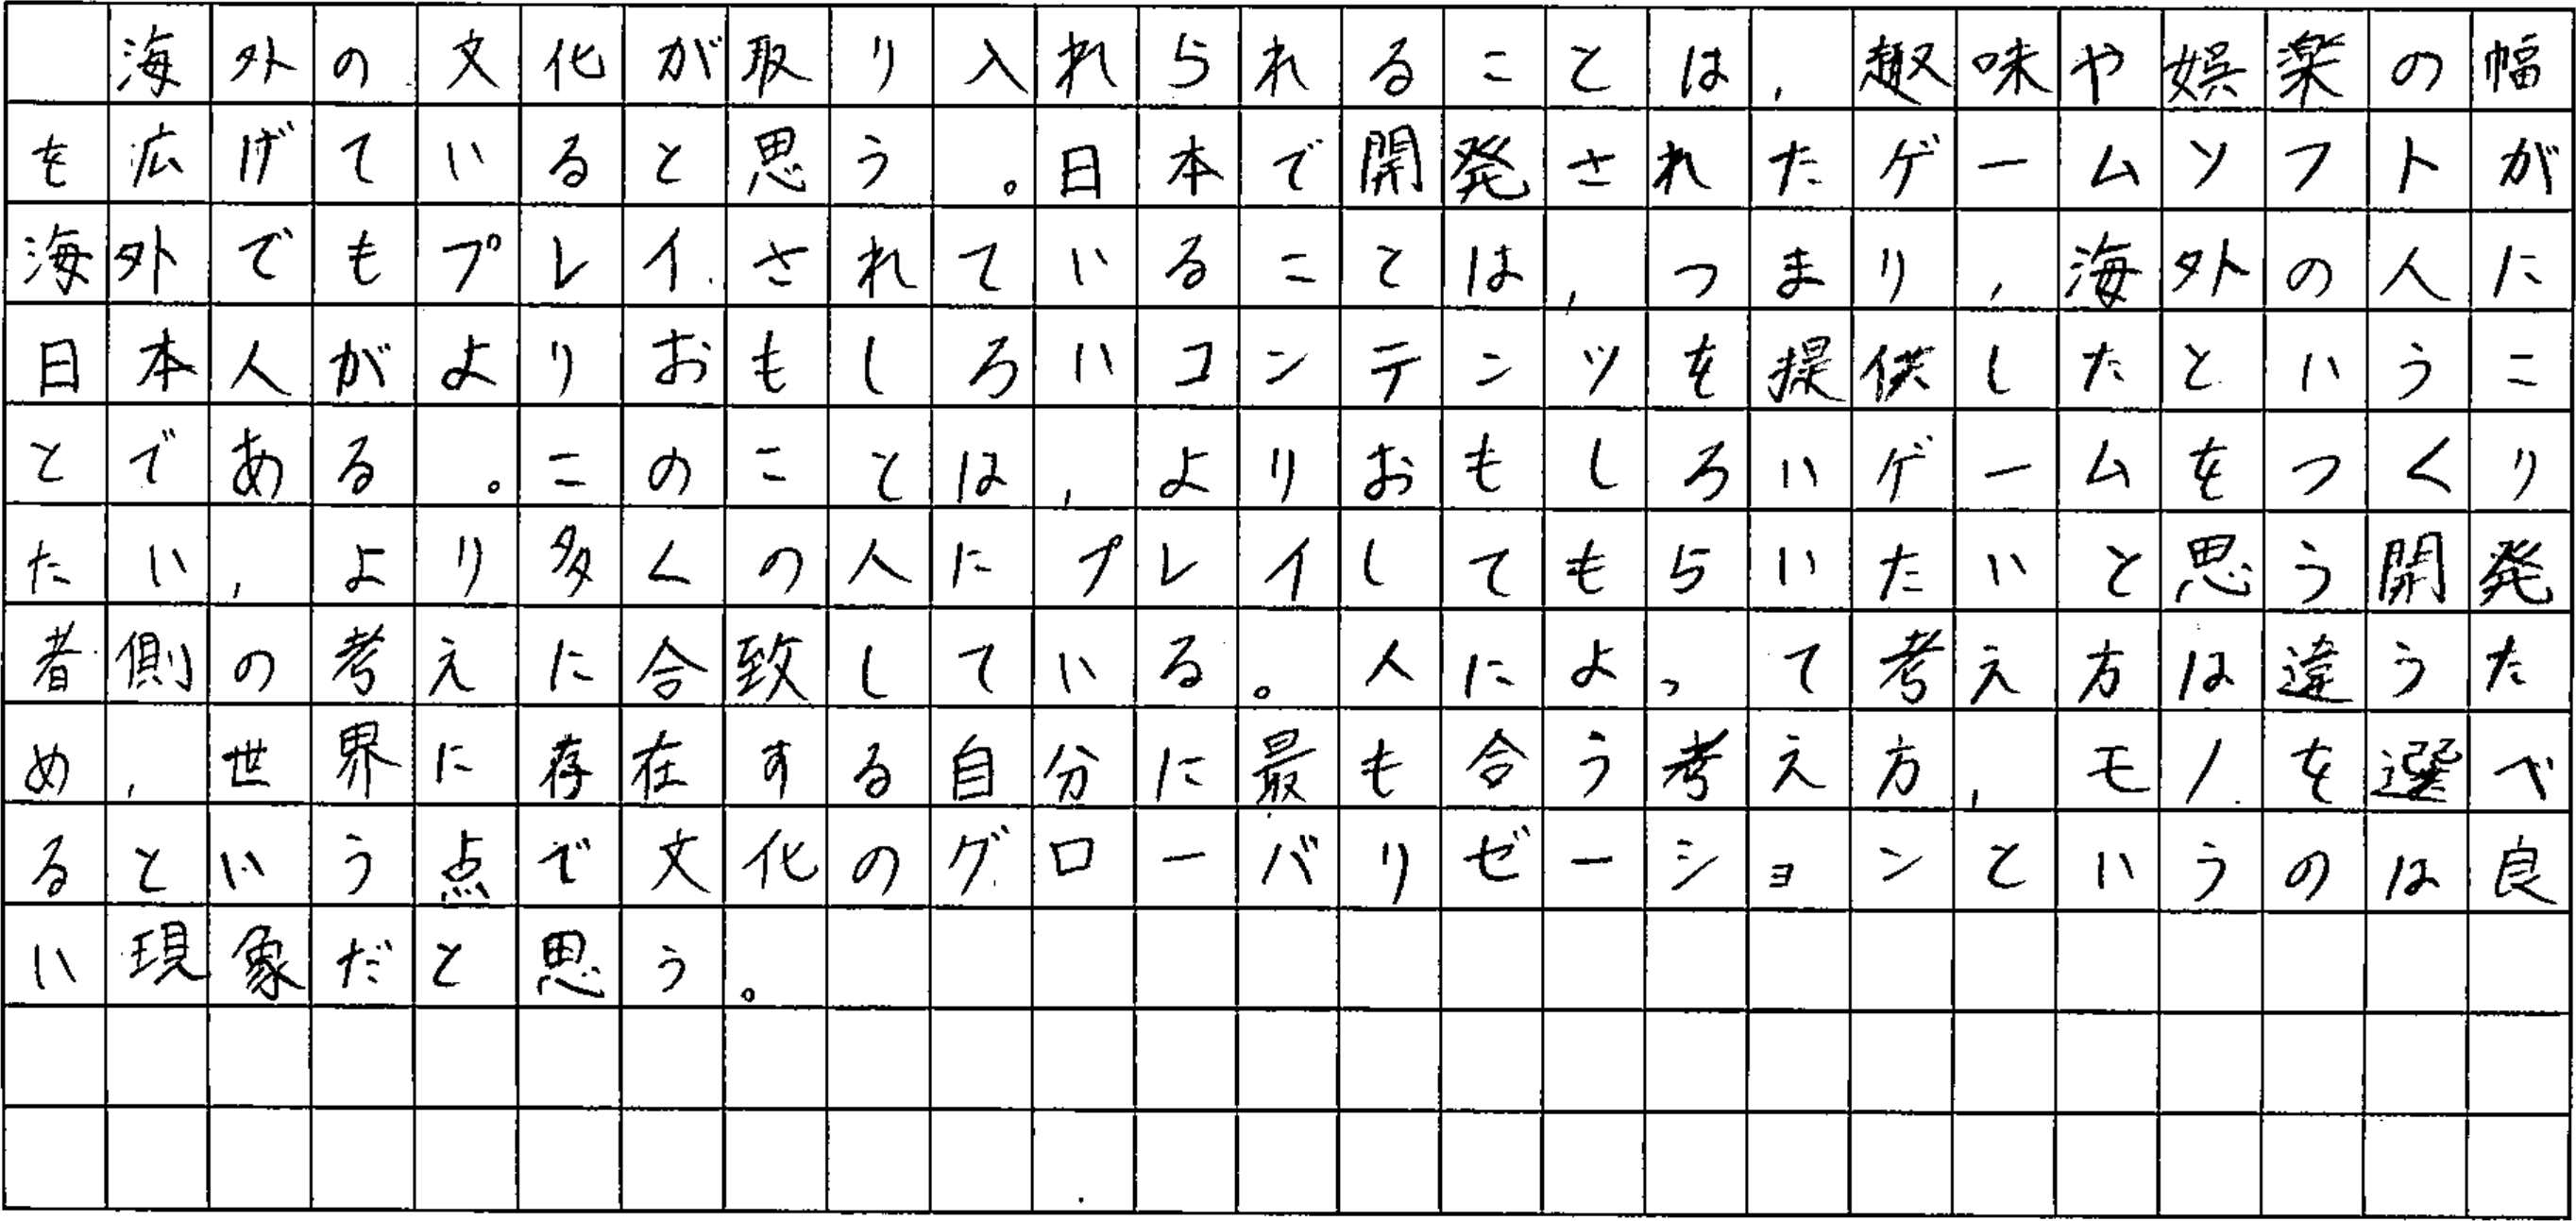　海外の文化が取り入れられることは、趣味や娯楽の幅を広げていると思う。日本で開発されたゲームソフトが海外でもプレイされていることは、つまり、海外の人に日本人がよりおもしろいコンテンツを提供したということである。このことは、よりおもしろいゲームをつくりたい、より多くの人にプレイしてもらいたいと思う開発者側の考えに合致している。人によって考え方は違うため、世界に存在する自分に最も合う考え方、モノを選べるという点で文化のグローバリゼーションというのは良い現象だと思う。
